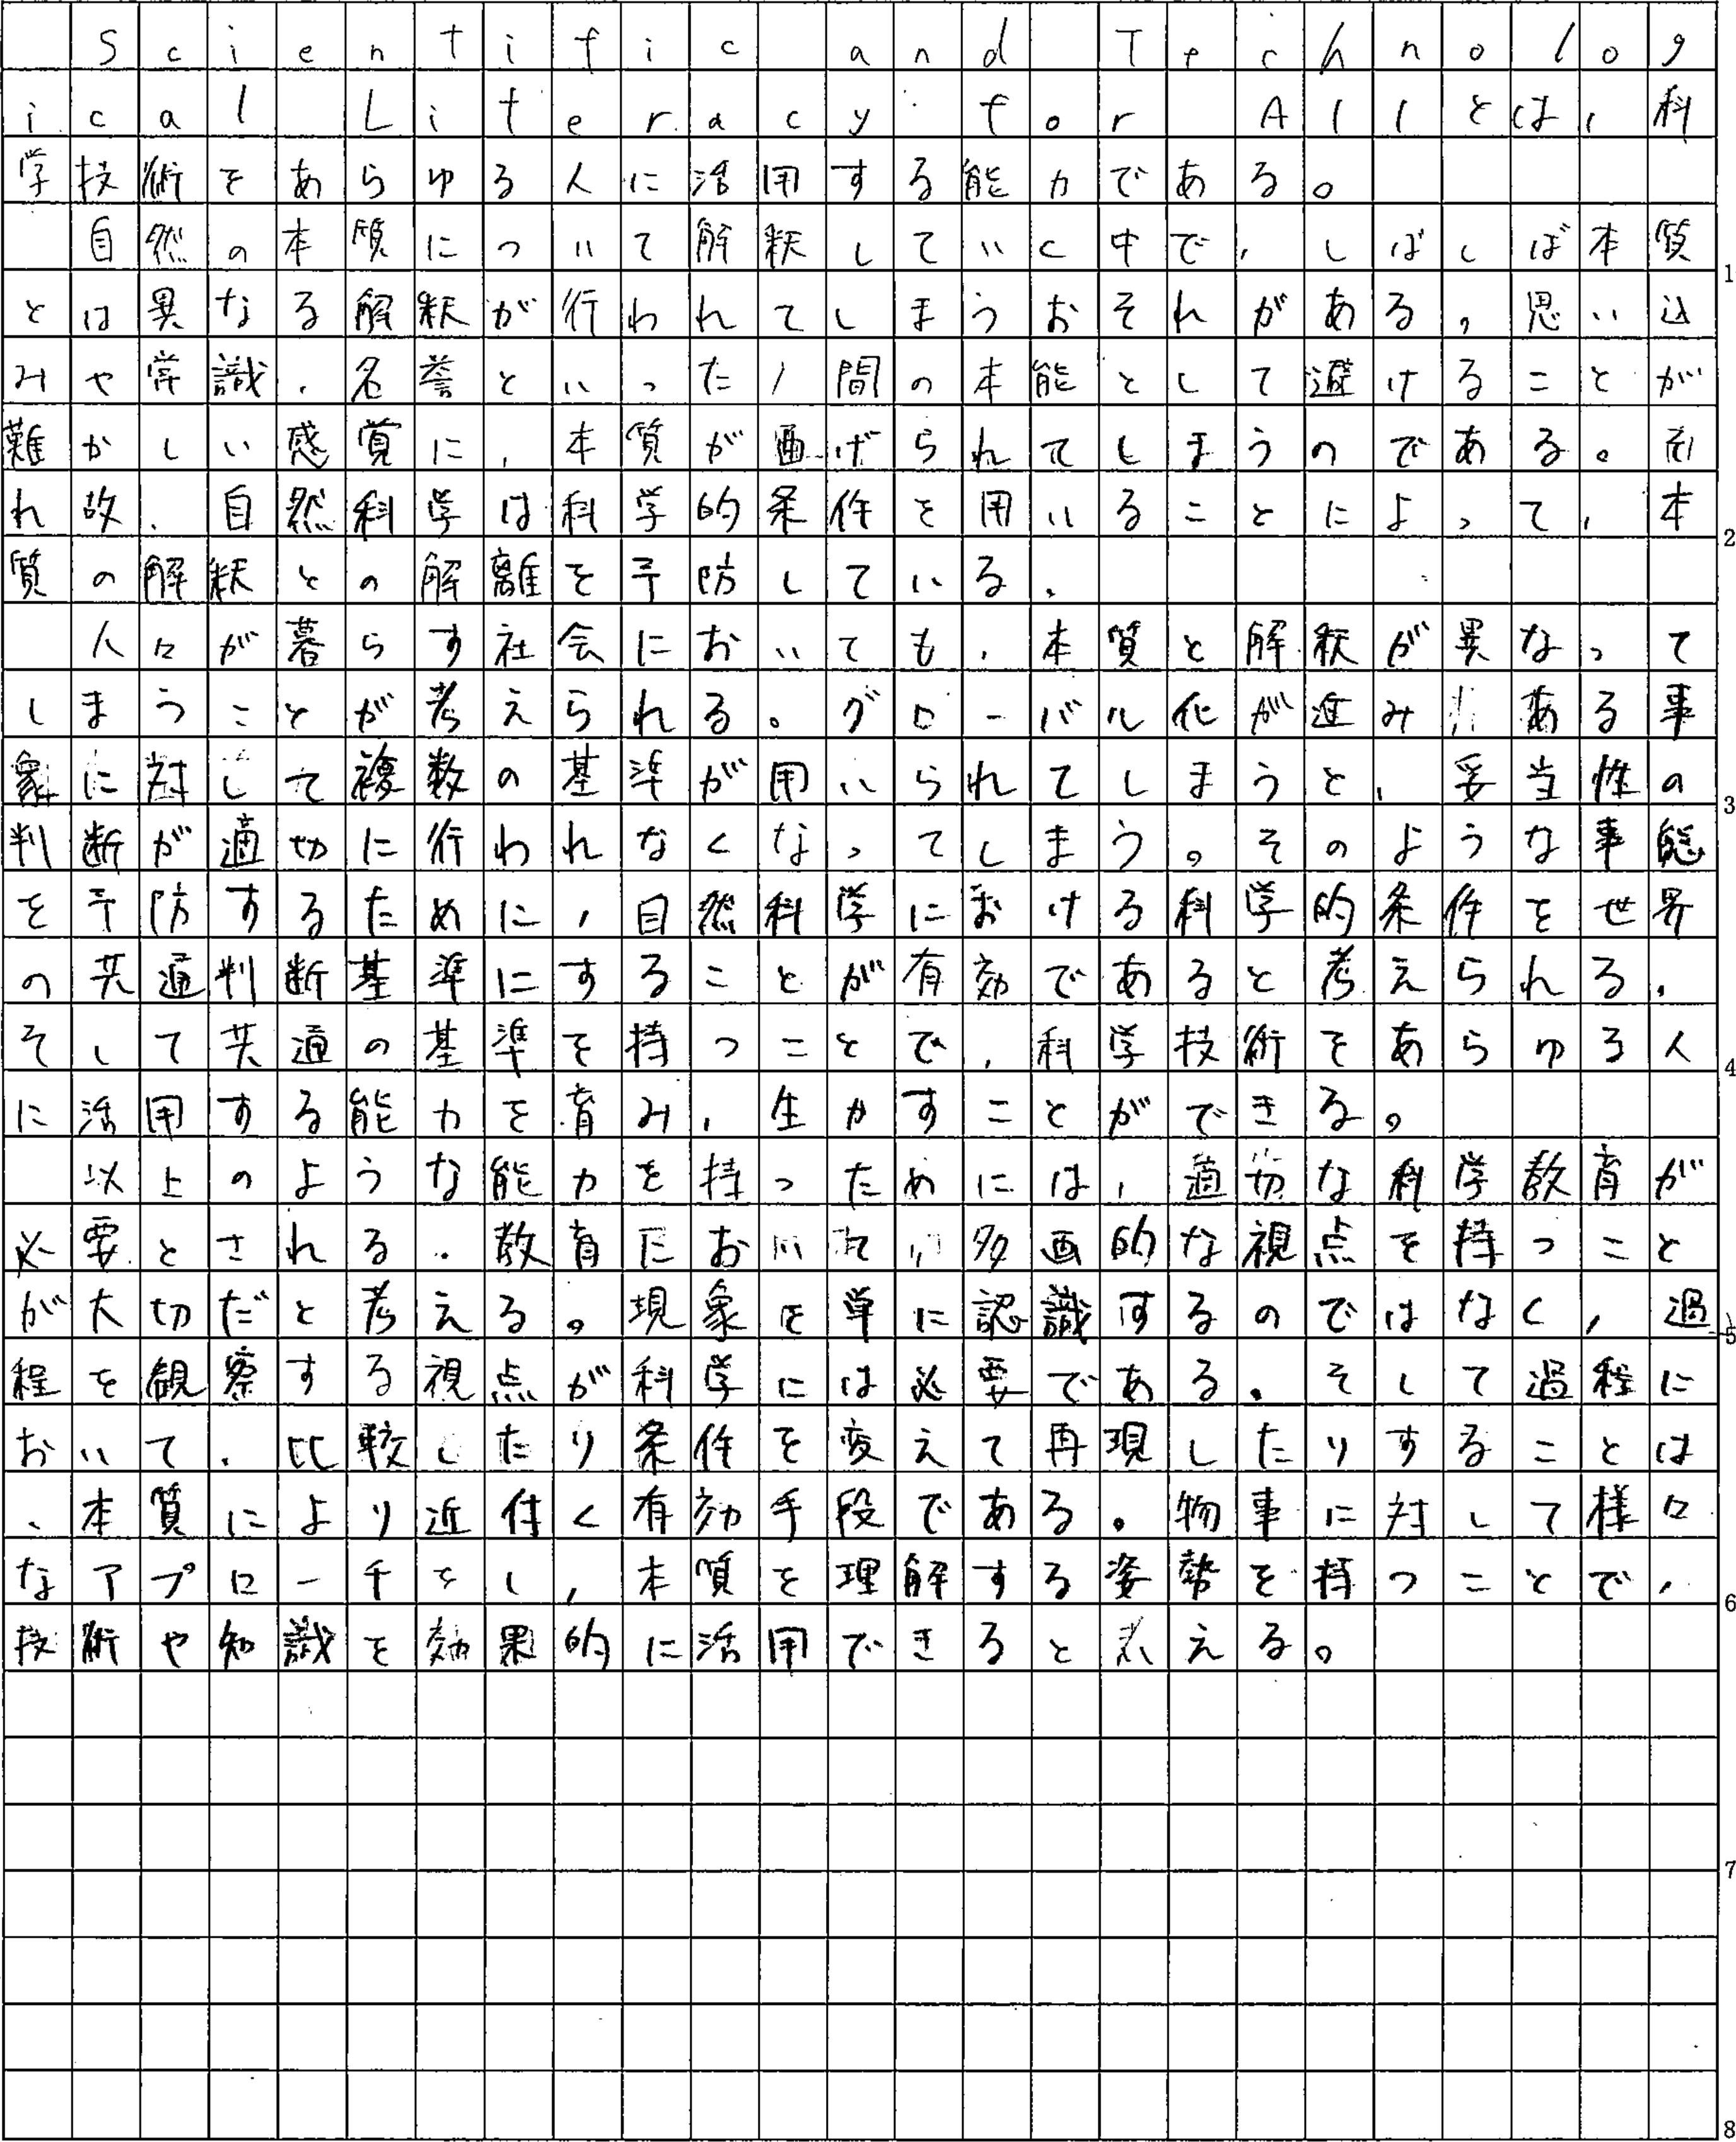　Ｓｃｉｅｎｔｉｆｉｃ　ａｎｄ　Ｔｅｃｈｎｏｌｏｇｉｃａｌ　Ｌｉｔｅｒａｃｙ　ｆｏｒ　Ａｌｌとは、科学技術をあらゆる人に活用する能力である。
　自然の本質について解釈していく中で、しばしば本質とは異なる解釈が行われてしまうおそれがある。思い込みや常識、名誉といった▁間の本能として避けることが難かしい感覚に、本質が曲げられてしまうのである。それ故、自然科学は科学的条件を用いることによって、本質の解釈との解離を予防している。
　人々が暮らす社会においても、本質と解釈が異なってしまうことが考えられる。グローバル化が進み、ある事象に対して複数の基準が用いられてしまうと、妥当性の判断が適切に行われなくなってしまう。そのような事態を予防するために、自然科学における科学的条件を世界の共通判断基準にすることが有効であると考えられる。そして共通の基準を持つことで、科学技術をあらゆる人に活用する能力を育み、生かすことができる。
　以上のような能力を持つためには、適切な科学教育が必要とされる。教育において、多画的な視点を持つことが大切だと考える。現象を単に認識するのではなく、過程を観察する視点が科学には必要である。そして過程において、比較したり条件を変えて再現したりすることは、本質により近付く有効手段である。物事に対して様々なアプローチをし、本質を理解する姿勢を持つことで、技術や知識を効果的に活用できると考える。
